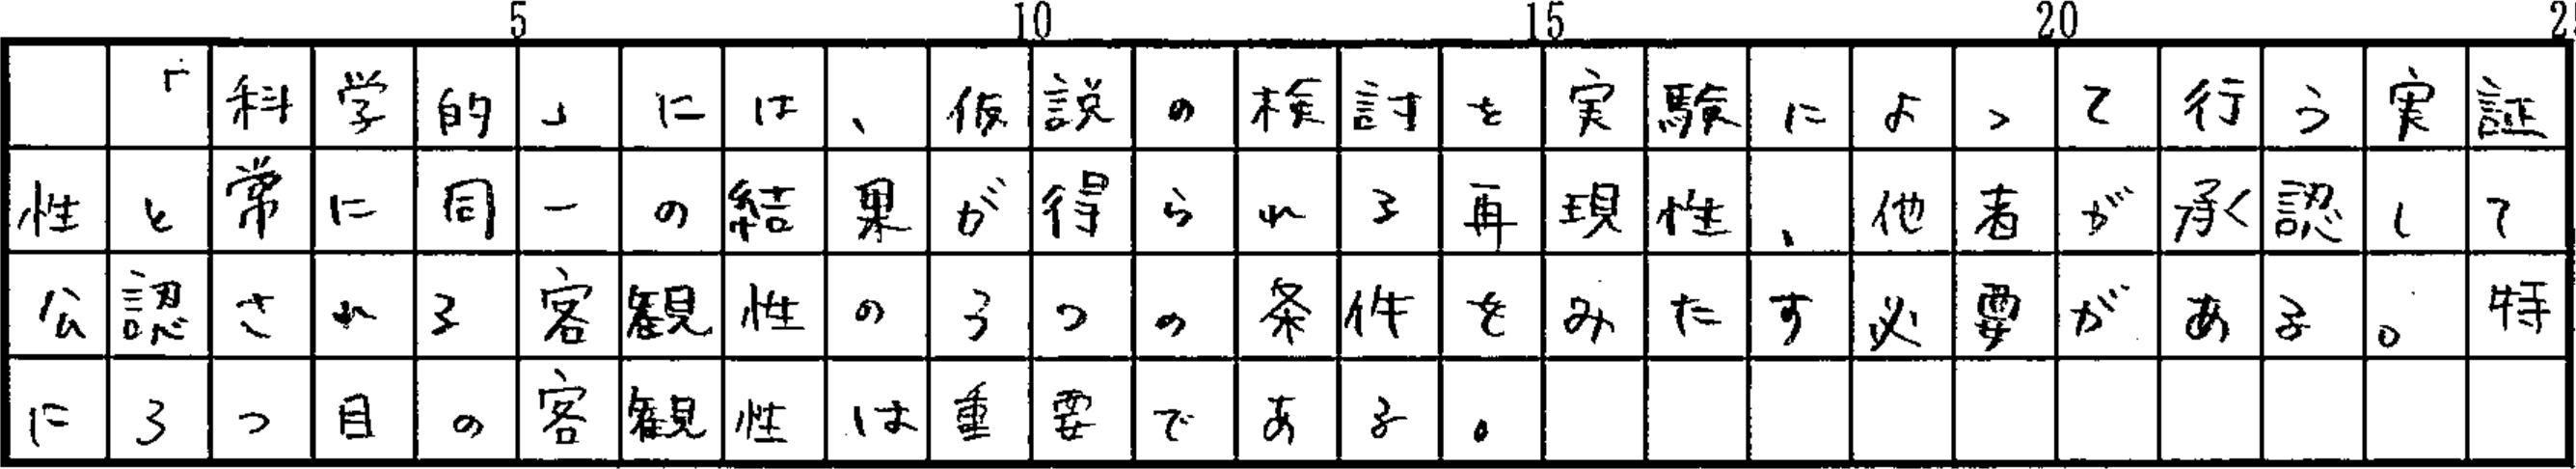　「科学的」には、仮説の検討を実験によって行う実証性と常に同一の結果が得られる再現性、他者が承認して公認される客観性の３つの条件をみたす必要がある。特に３つ目の客観性は重要である。
